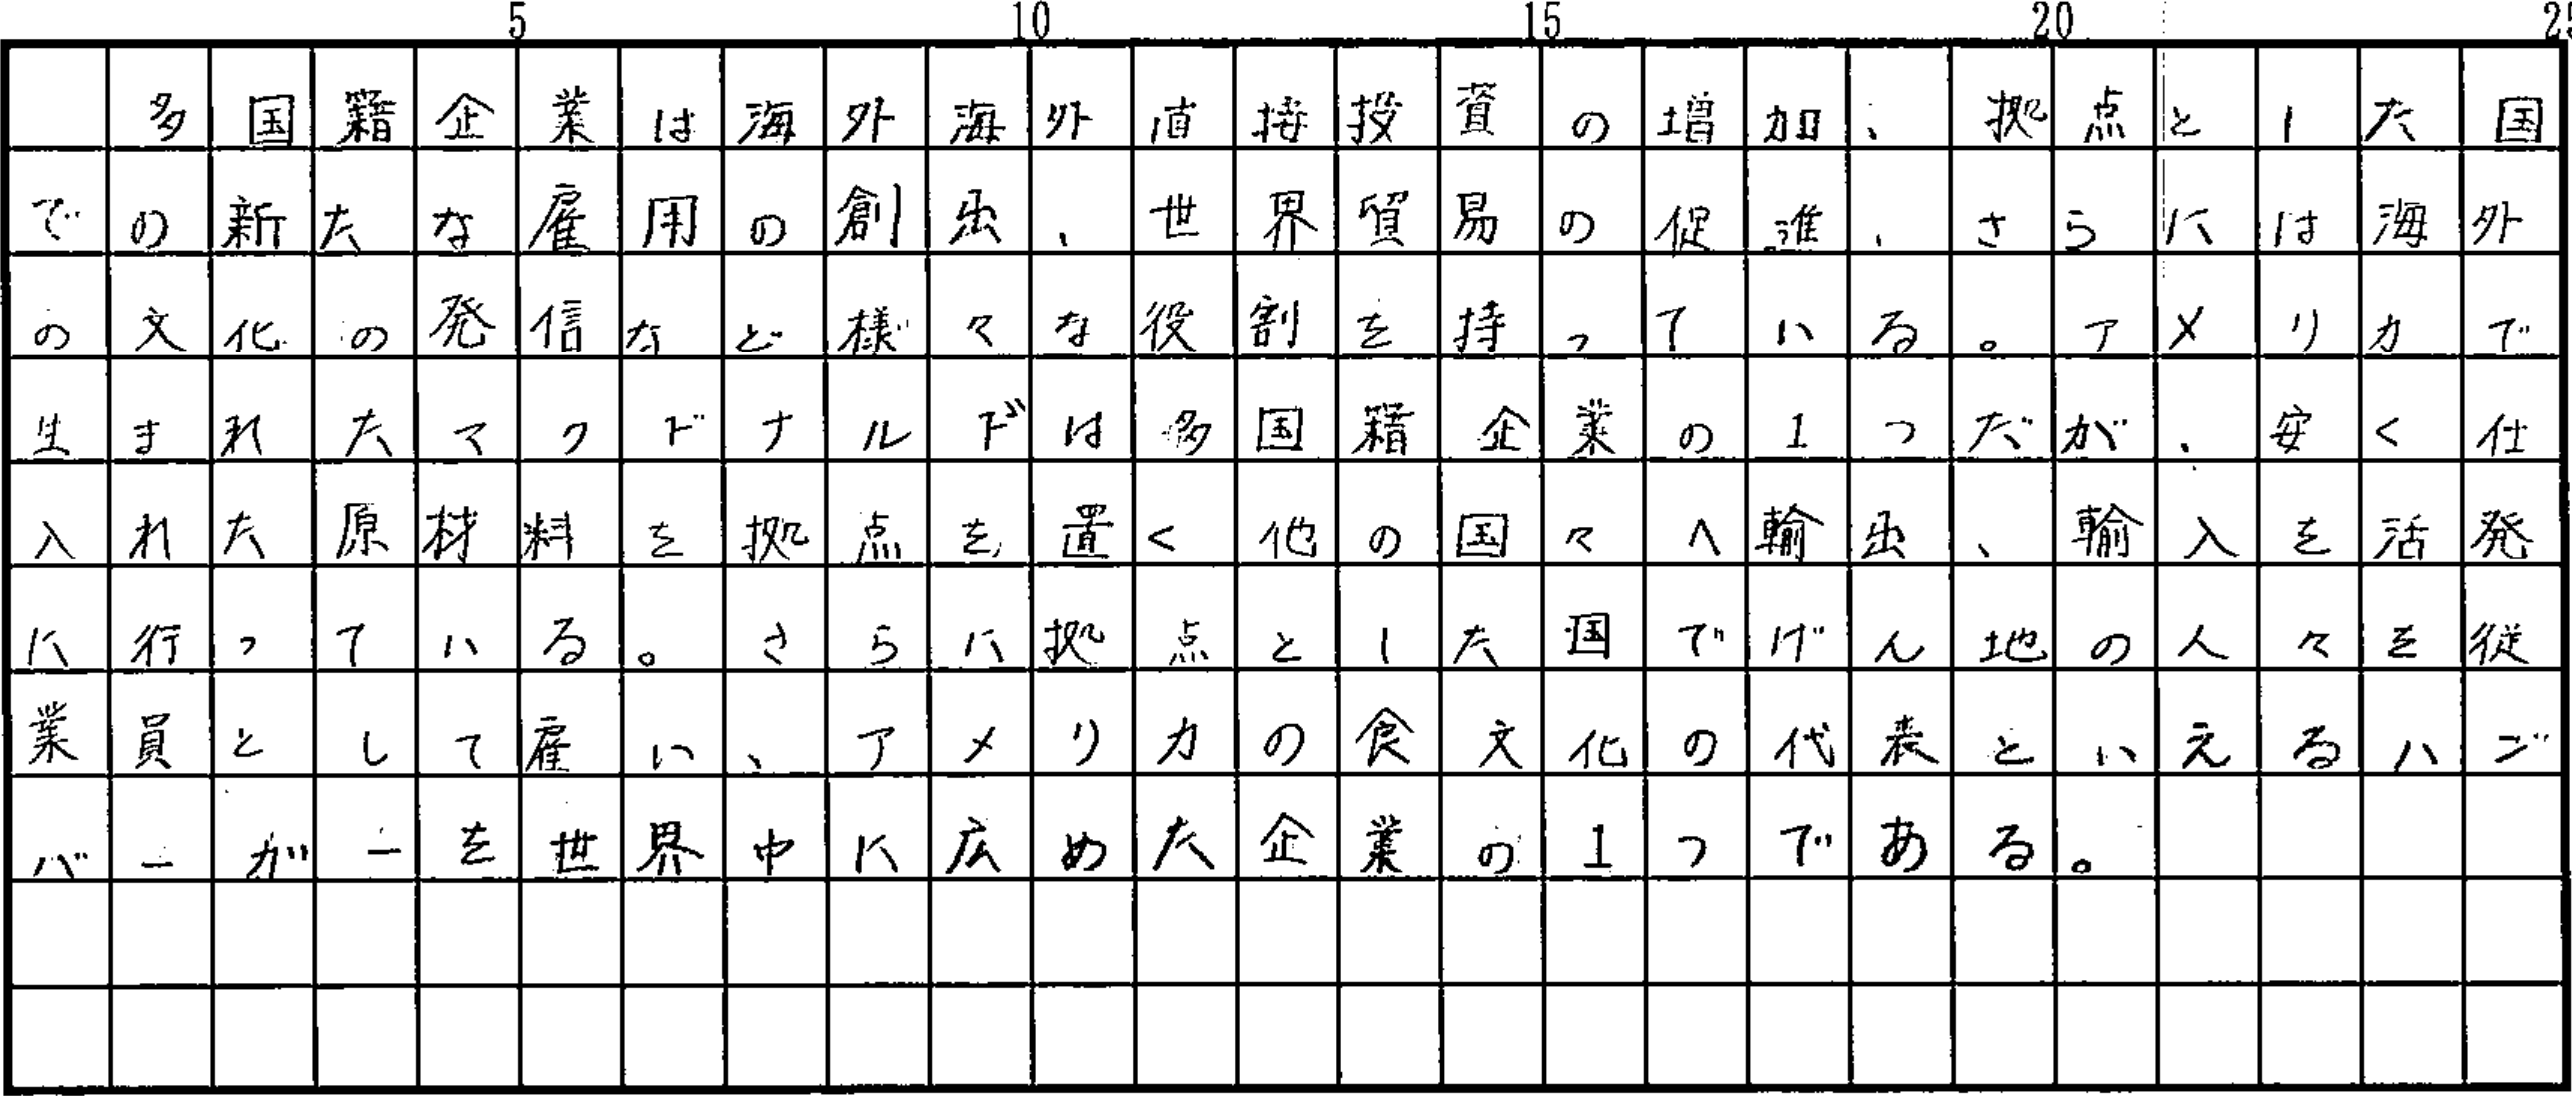　多国籍企業は海外海外直接投資の増加、拠点とした国での新たな雇用の創出、世界貿易の促進、さらには海外の文化の発信など様々な役割を持っている。アメリカで生まれたマクドナルドは多国籍企業の１つだが、安く仕入れた原材料を拠点を置く他の国々へ輸出、輸入を活発に行っている。さらに拠点とした国でげん地の人々を従業員として雇い、アメリカの食文化の代表といえるハンバーガーを世界中に広めた企業の１つである。
